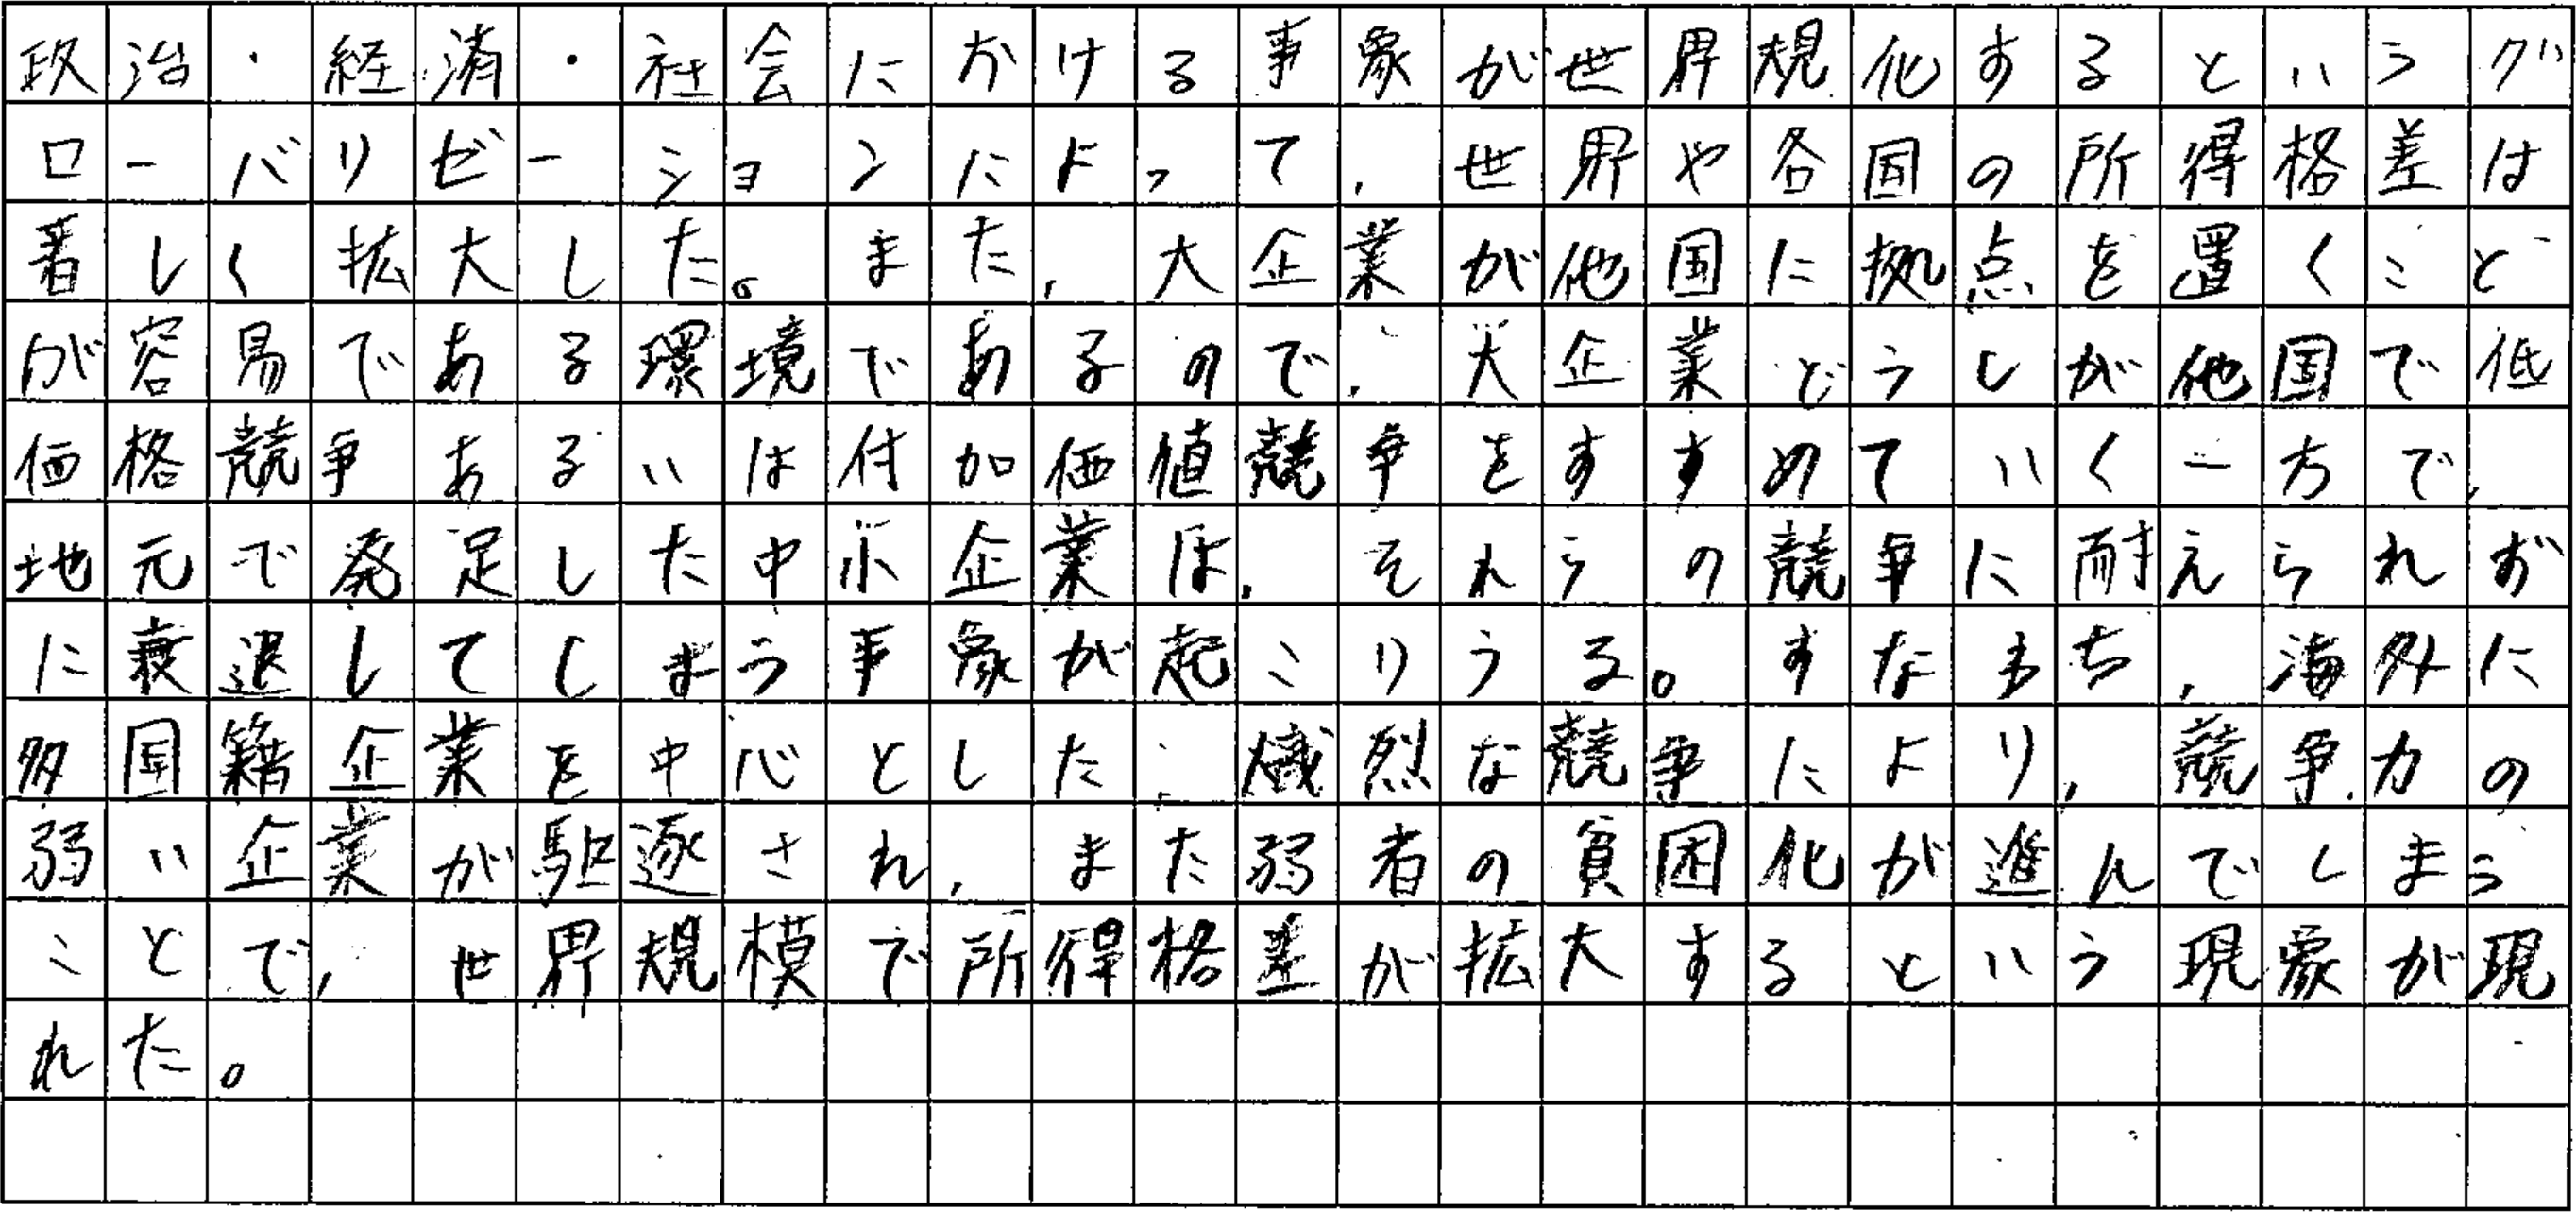政治・経済・社会における事象が世界規化するというグローバリゼーションによって、世界や各国の所得格差は著しく拡大した。また、大企業が他国に拠点を置くことが容易である環境であるので、大企業どうしが他国で低価格競争あるいは付加価値競争をすすめていく一方で、地元で発足した中小企業は、それらの競争に耐えられずに衰退してしまう事象が起こりうる。すなわち、海外に多国籍企業を中心とした、熾烈な競争により、競争力の弱い企業が駆逐され、また弱者の貧困化が進んでしまうことで、世界規模で所得格差が拡大するという現象が現れた。
